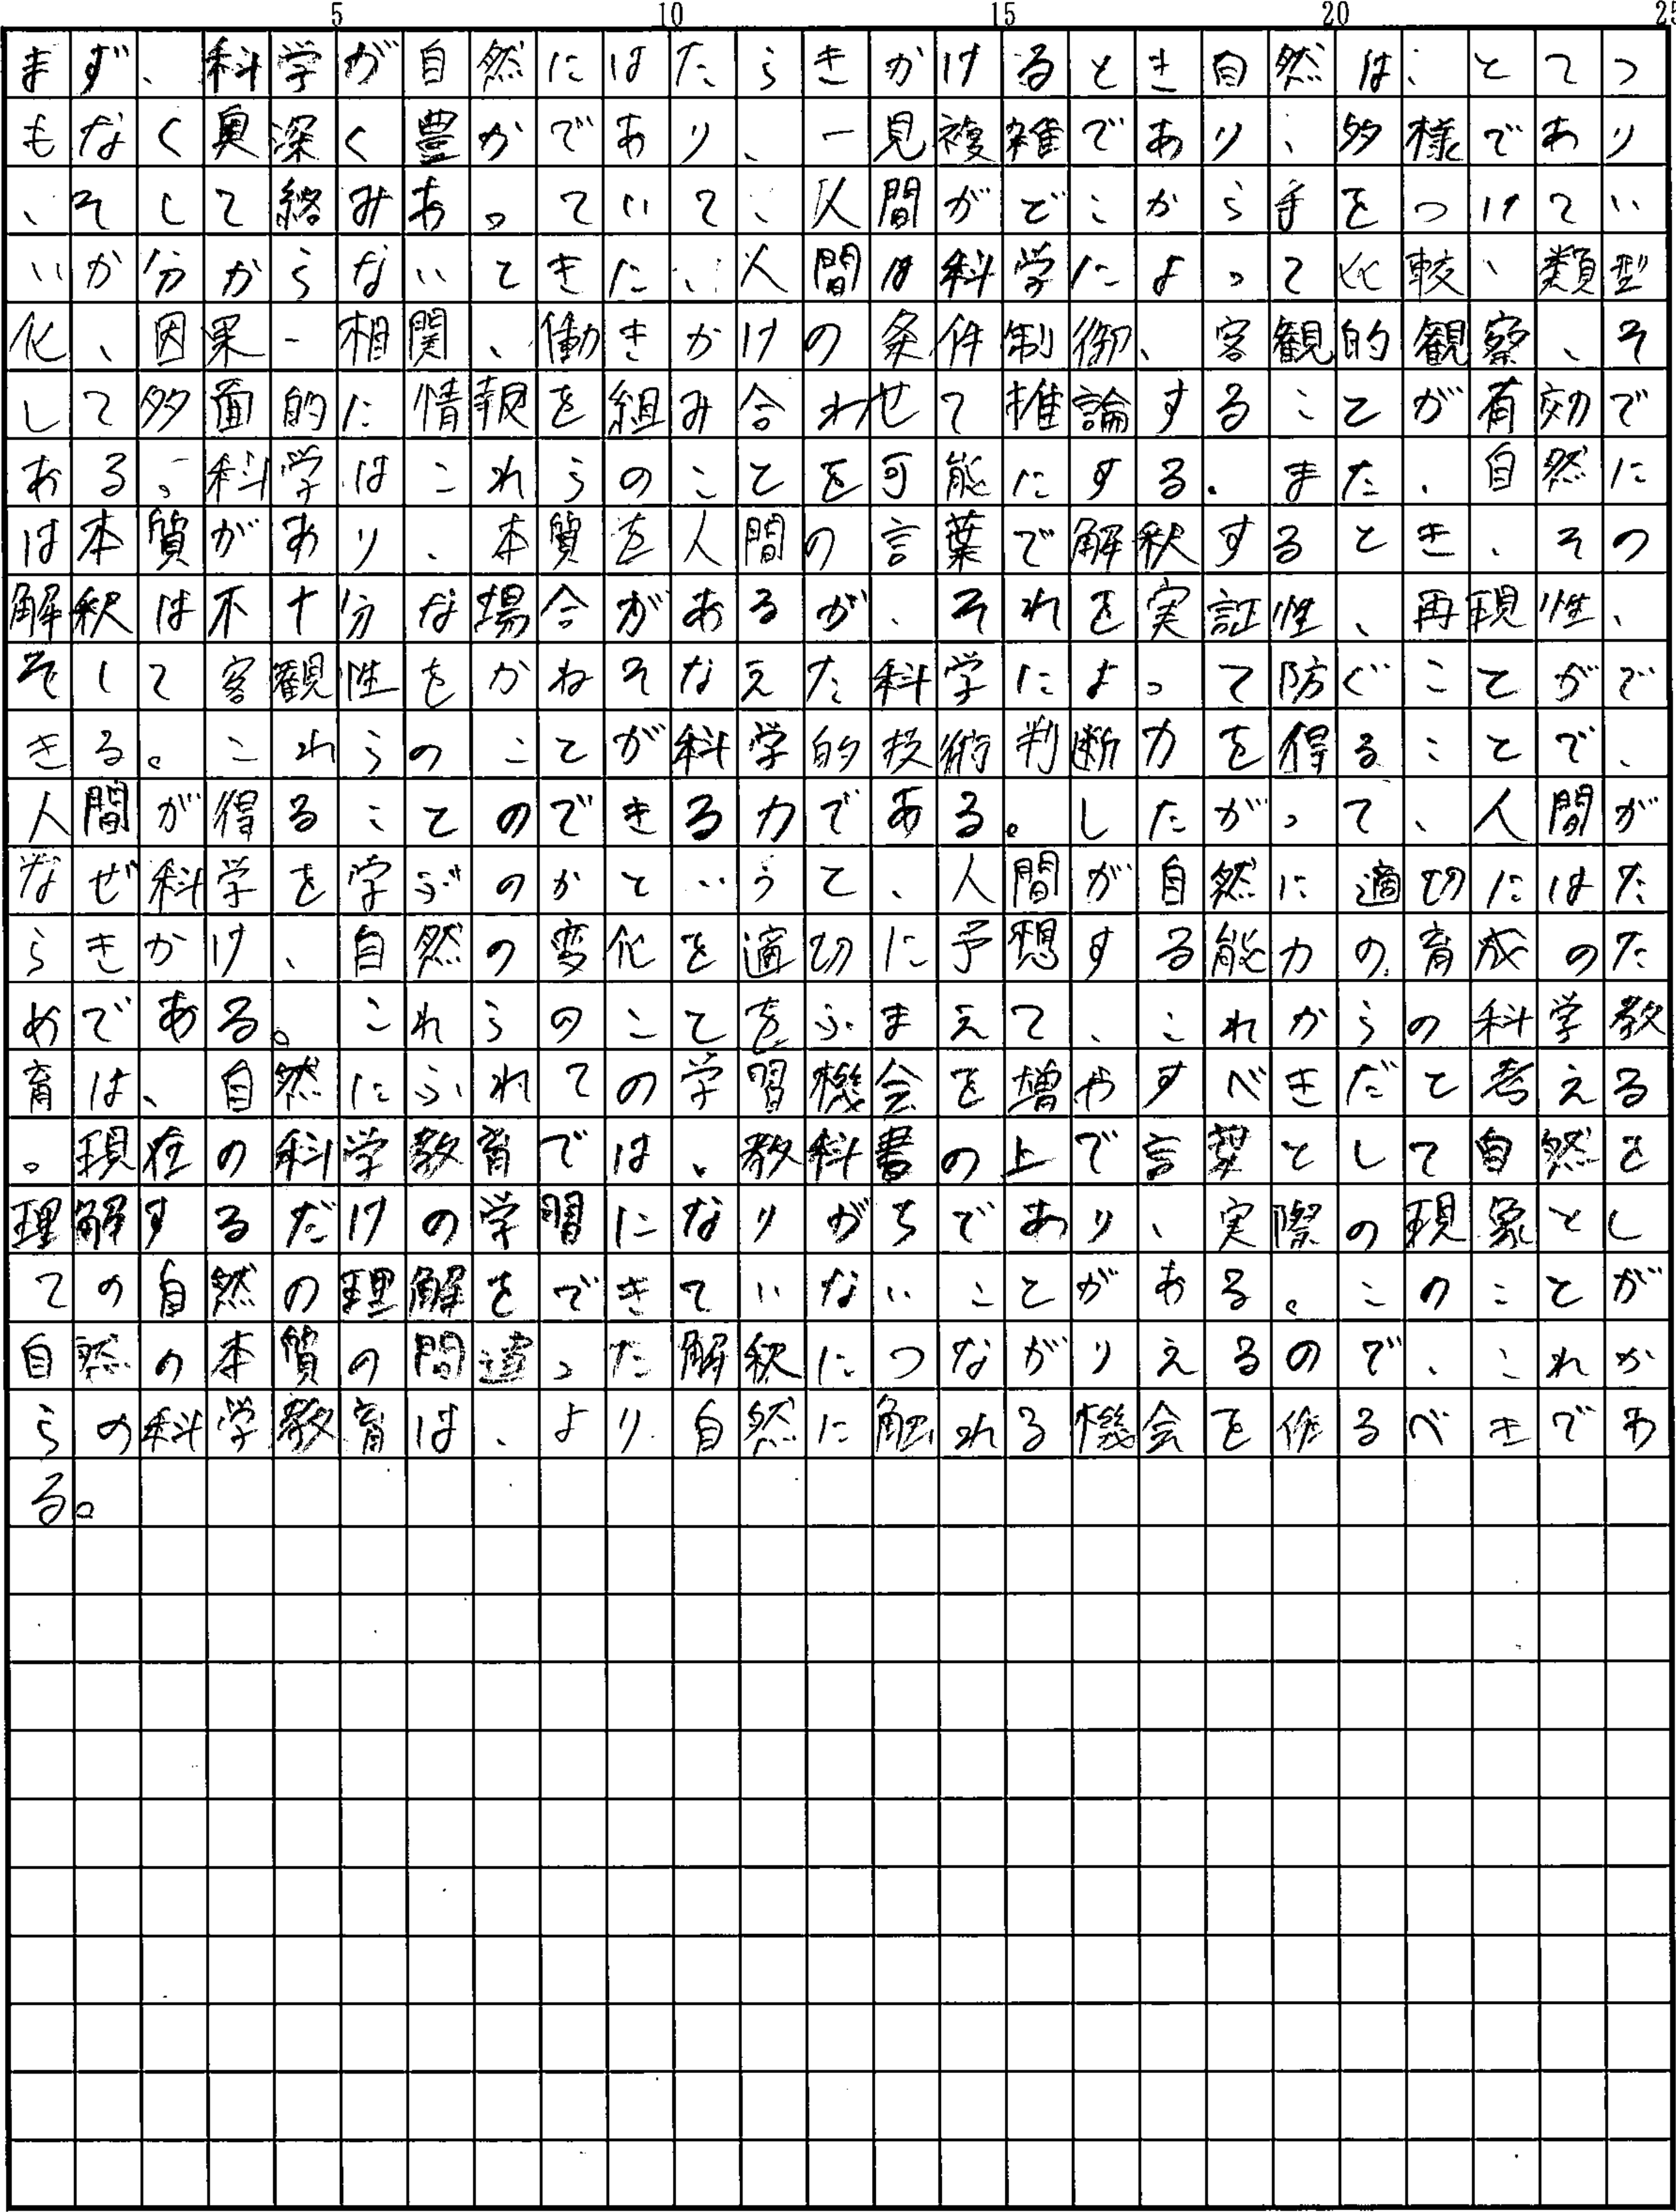まず、科学が自然にはたらきかけるとき自然は、とてつもなく奥深く豊かであり、一見複雑であり、多様であり、そして絡みあっていて、人間がどこから手をつけていいか分からないときに、人間は科学によって比較・類型化、因果・相関、働きかけの条件制御、客観的観察、そして多面的に情報を組み合わせて推論することが有効である。科学はこれらのことを可能にする。また、自然には本質があり、本質を人間の言葉で解釈するとき、その解釈は不十分な場合があるが、それを実証性、再現性、そして客観性をかねそなえた科学によって防ぐことができる。これらのことが科学的技術判断力を得ることで、人間が得ることのできる力である。したがって、人間がなぜ科学を学ぶのかというと、人間が自然に適切にはたらきかけ、自然の変化を適切に予想する能力の育成のためである。これらのことをふまえて、これからの科学教育は、自然にふれての学習機会を増やすべきだと考える。現在の科学教育では、教科書の上で言葉として自然を理解するだけの学習になりがちであり、実際の現象としての自然の理解をできていないことがある。このことが自然の本質の間違った解釈につながりえるので、これからの科学教育は、より自然に触れる機会を作るべきである。
